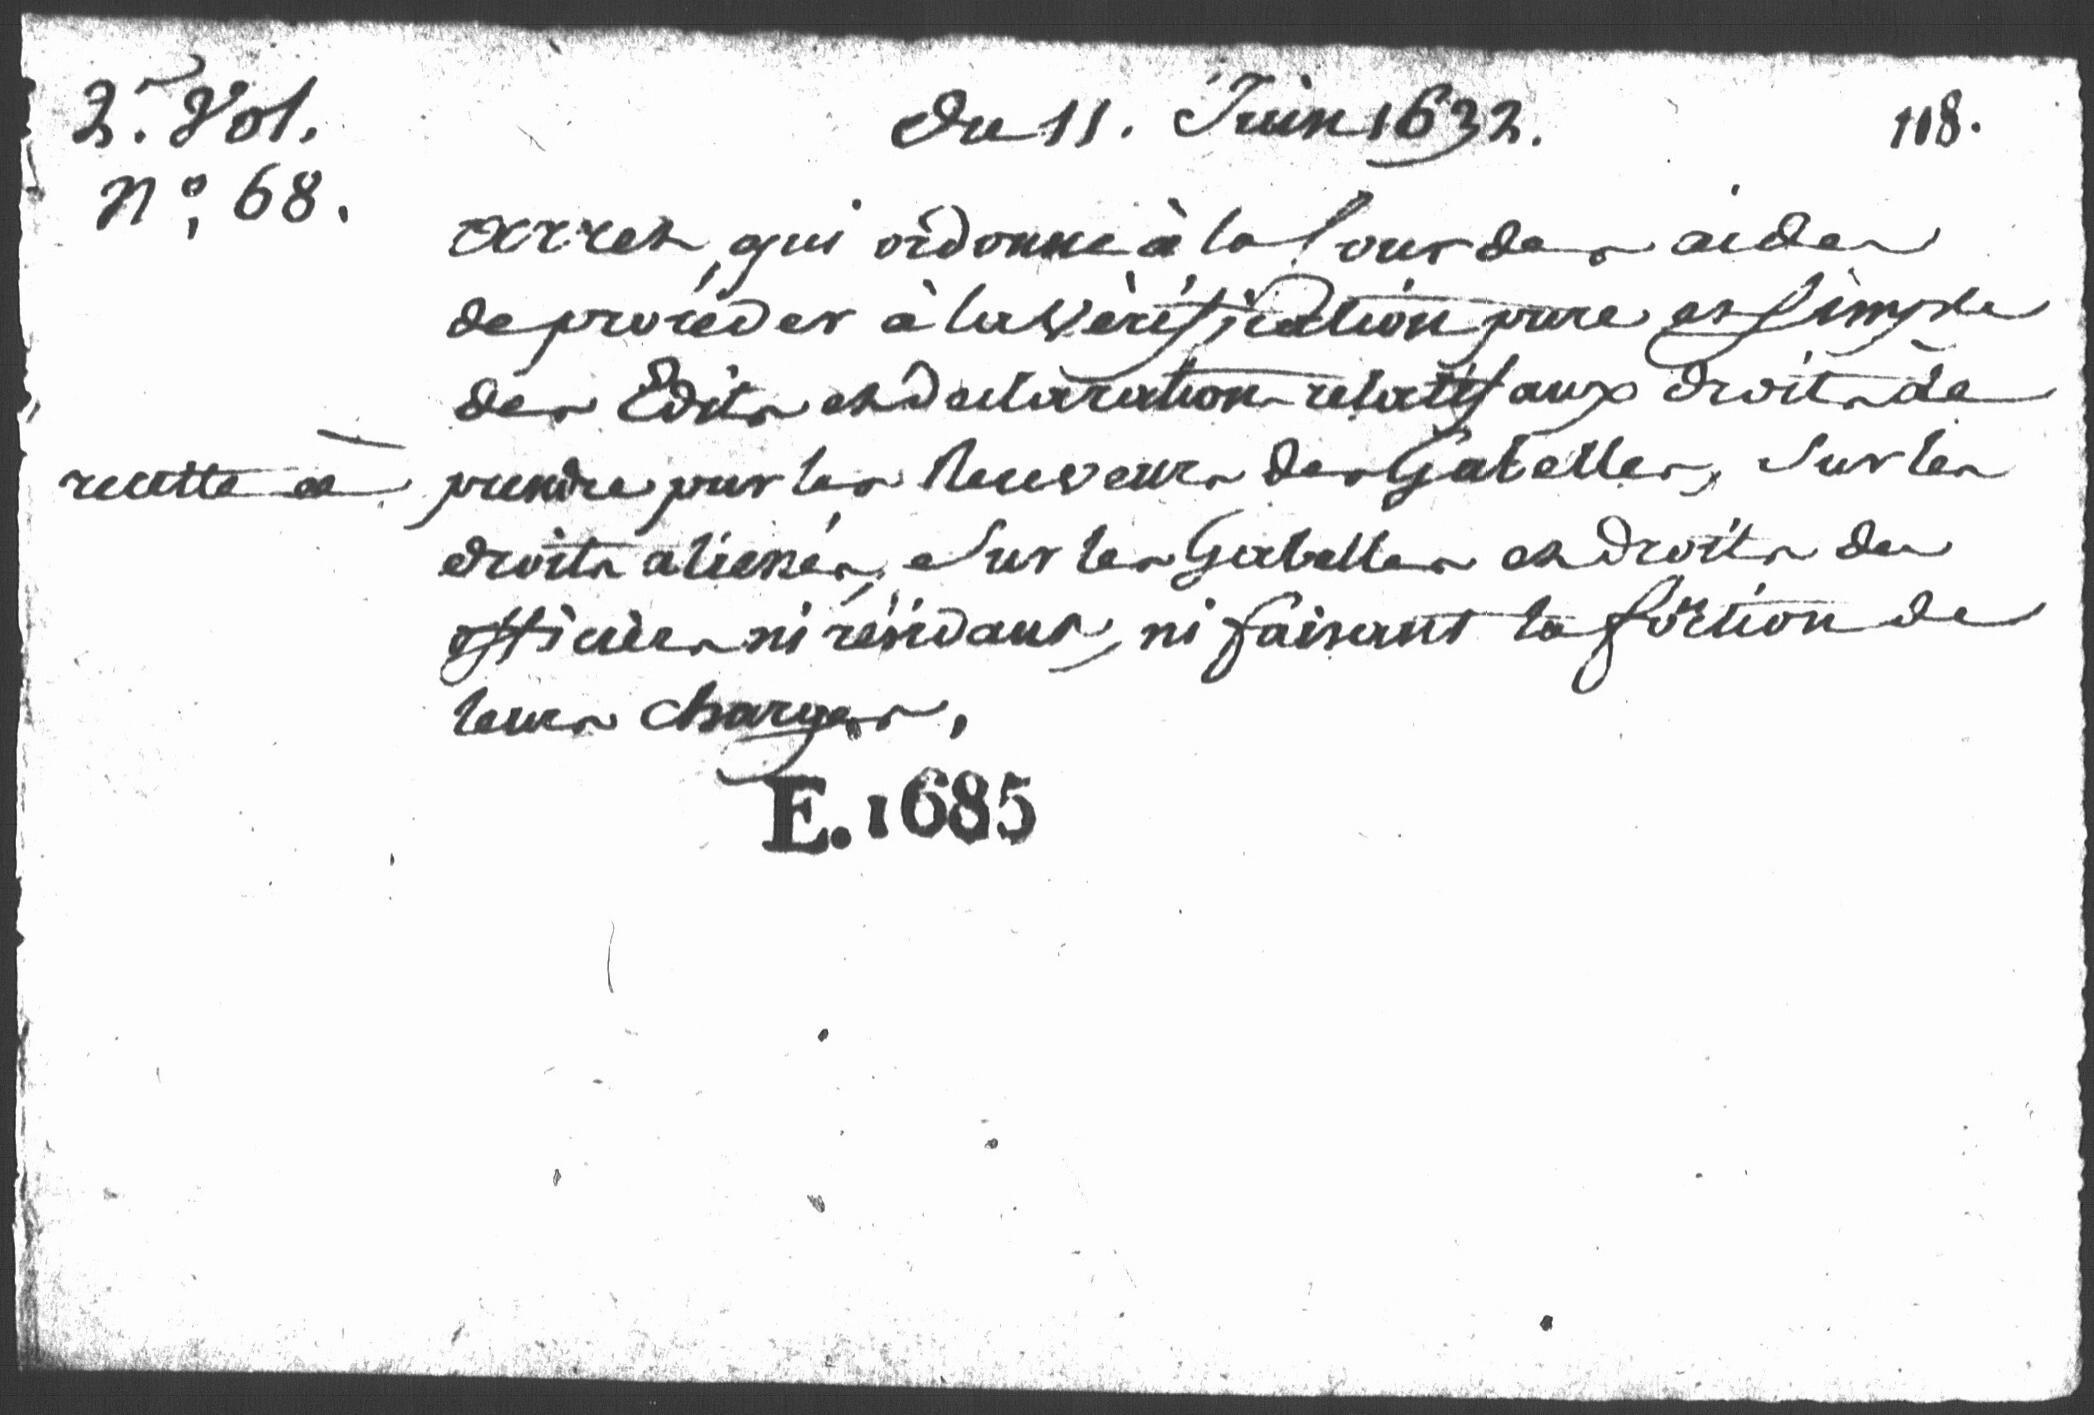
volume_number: n°68
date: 11 juin 1632
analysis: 118
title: arret qui ordonne à la Cour des aides de proceder à la vérification pure et simple des Edits et declaration relatif aux droits de recette à prendre par les Receveurs des Gabelles, sur les droits alienés, sur les gabelles et droits des officiers ni résidant, ni faisant la fonction de leurs charges.
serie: E
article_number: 1685
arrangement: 2.e vol
